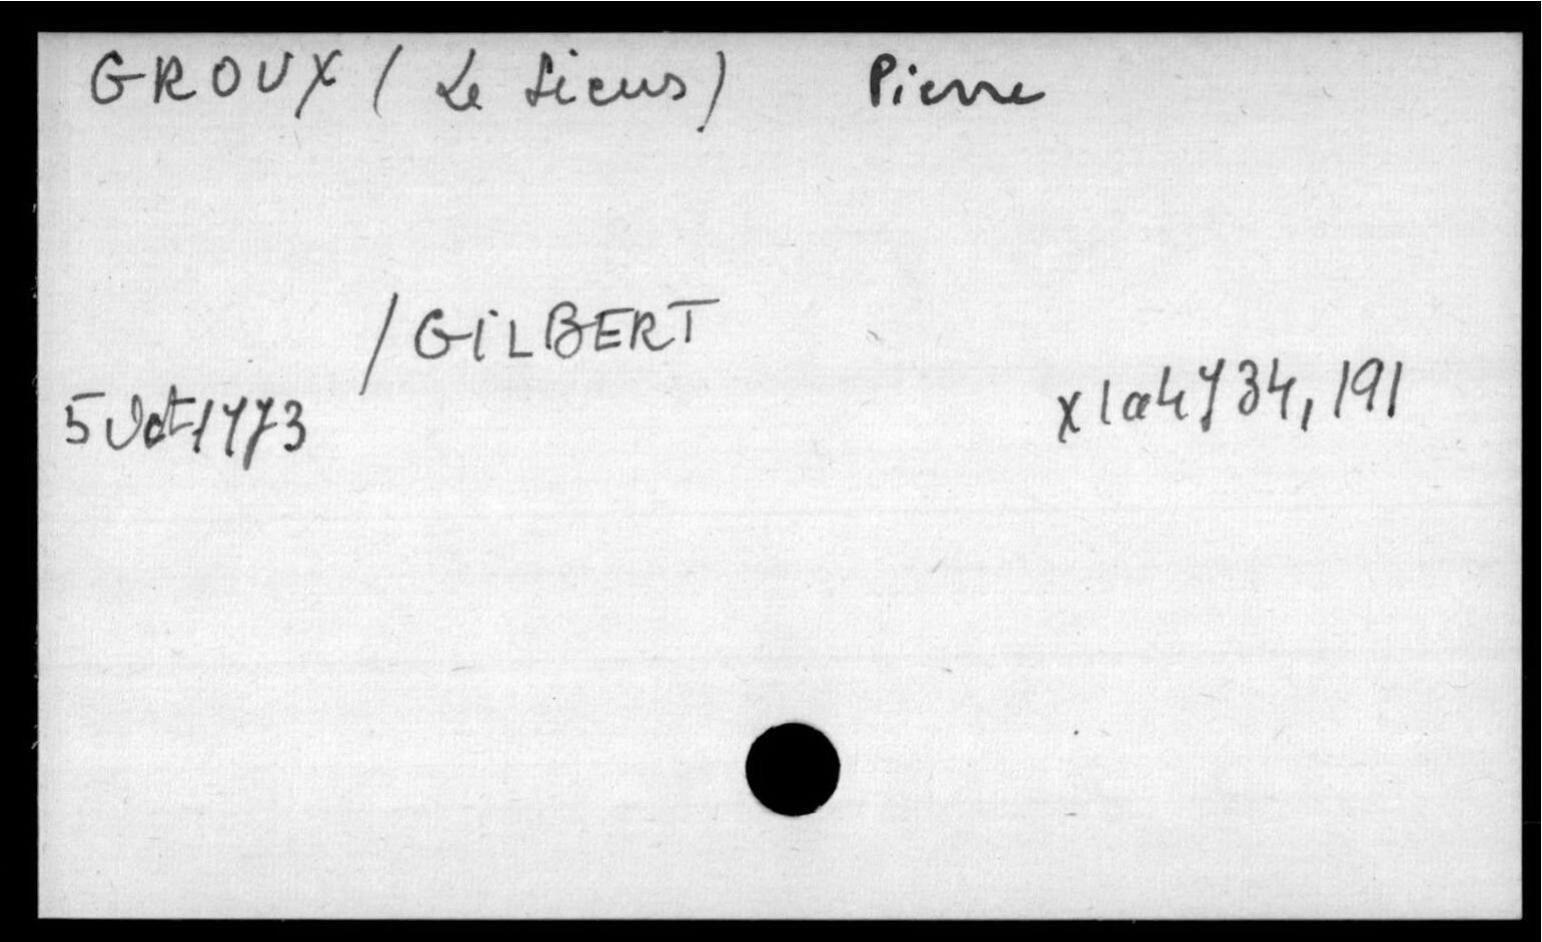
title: GROUX (le sieur) Pierre
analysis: Contre GILBERT
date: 5 octobre 1773
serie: X1a
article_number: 4734
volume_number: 191
